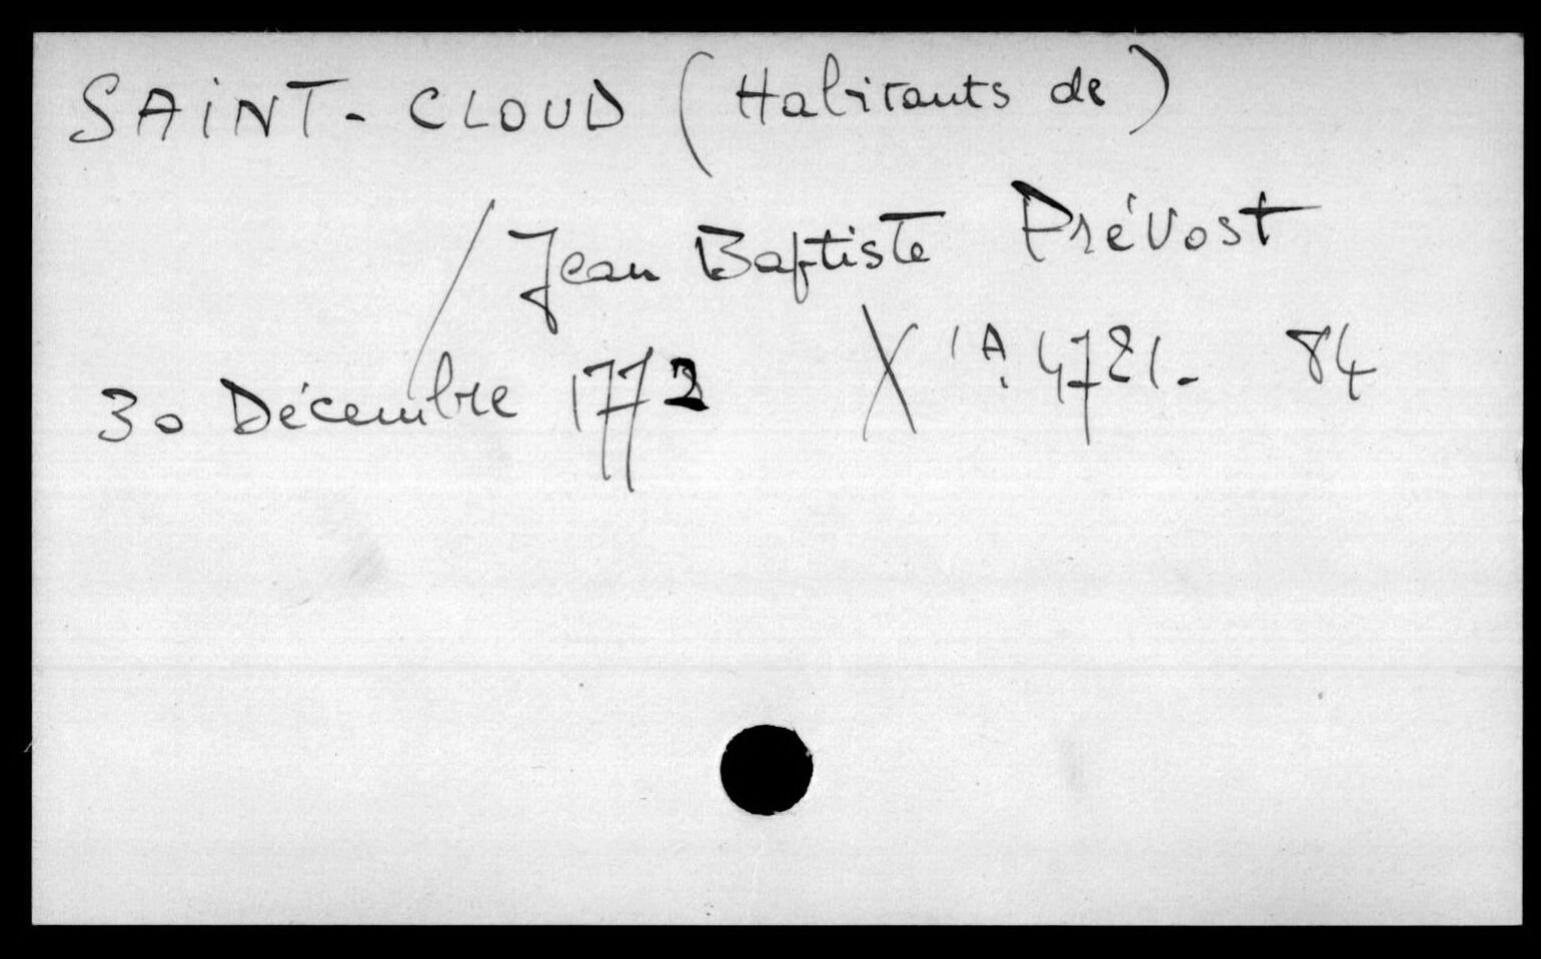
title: SAINT-CLOUD (Habitants de)
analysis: Contre Jean Baptiste Prévost
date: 30 décembre 1772
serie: X1A
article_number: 4721
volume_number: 84
